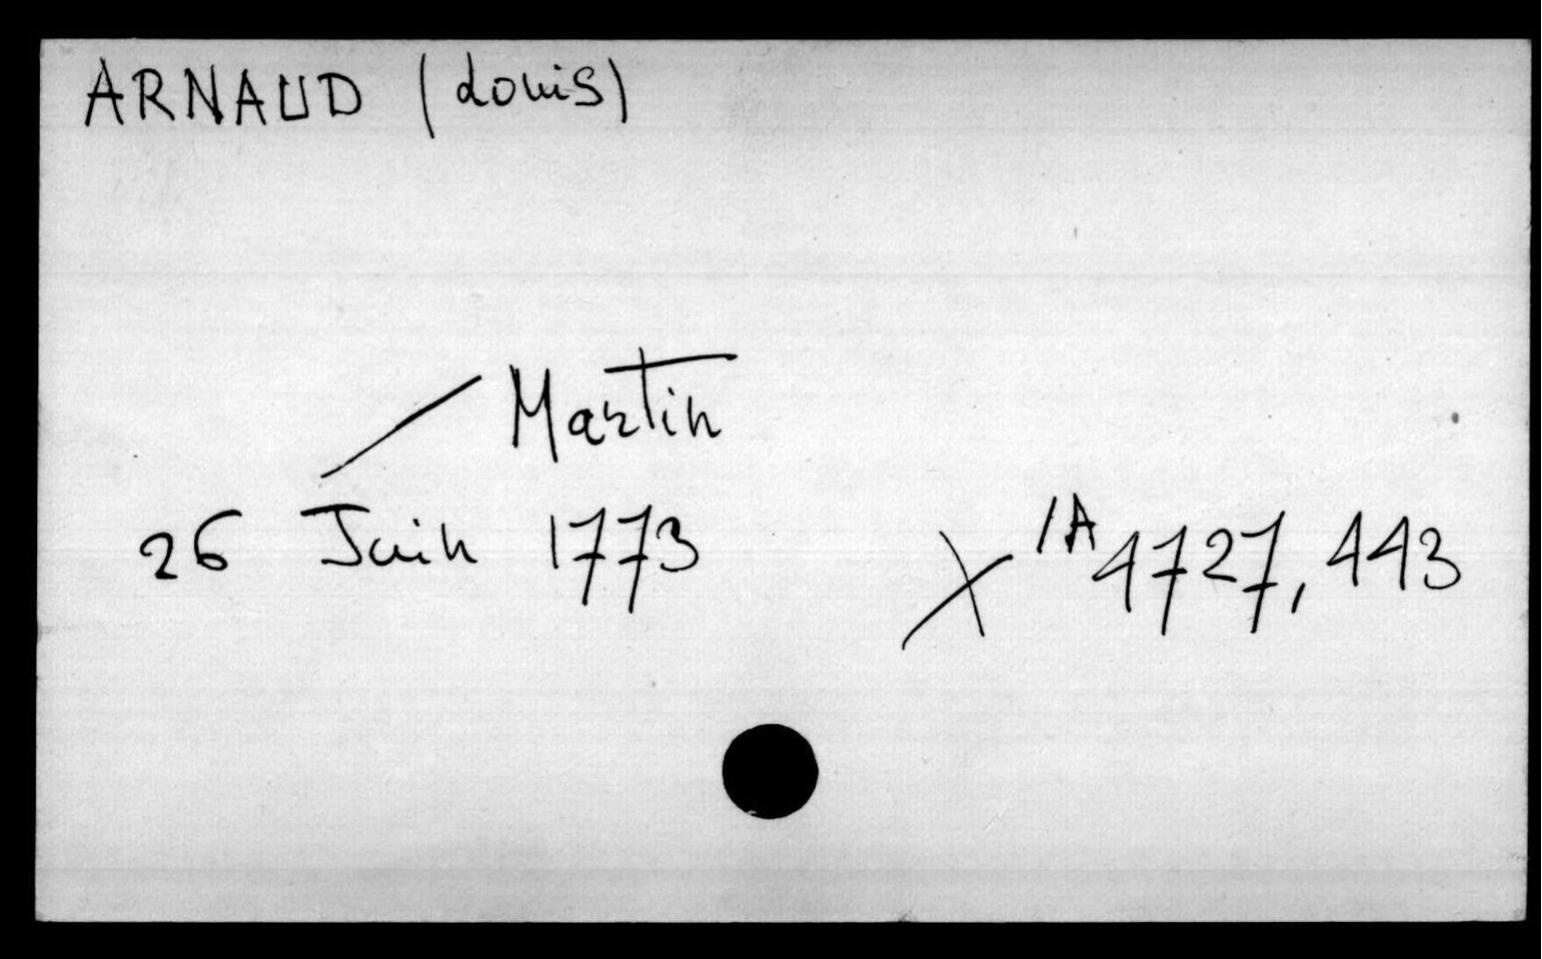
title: ARNAUD (Louis)
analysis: Contre Martin
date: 26 juin 1773
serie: X1A
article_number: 4727
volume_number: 443
